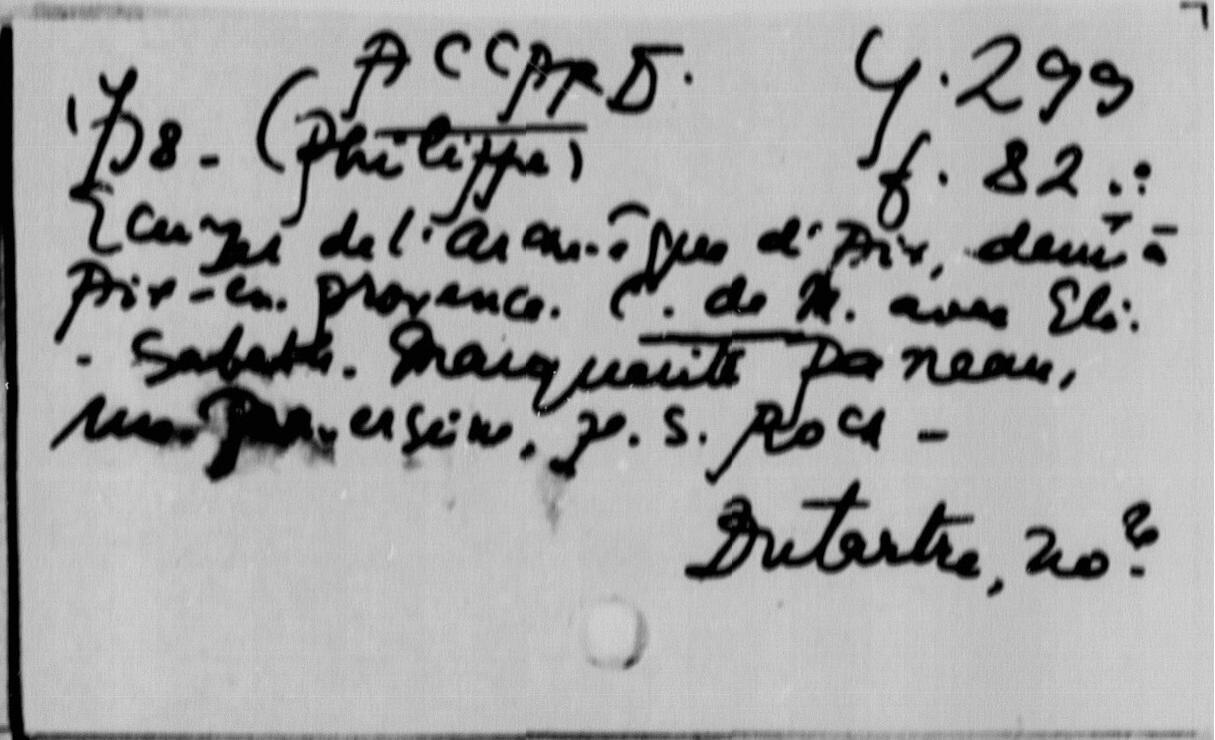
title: ACCARD (Philippe)
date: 1718
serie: Y
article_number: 299
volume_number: folio 82 verso
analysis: Écuyer de l'archevêque d'Aix, demeurant à Aix-en-Provence Contrat de mariage avec Élisabeth Marguerite Paneau, rue Traversine, paroisse Saint Roch Dutartre, notaire
